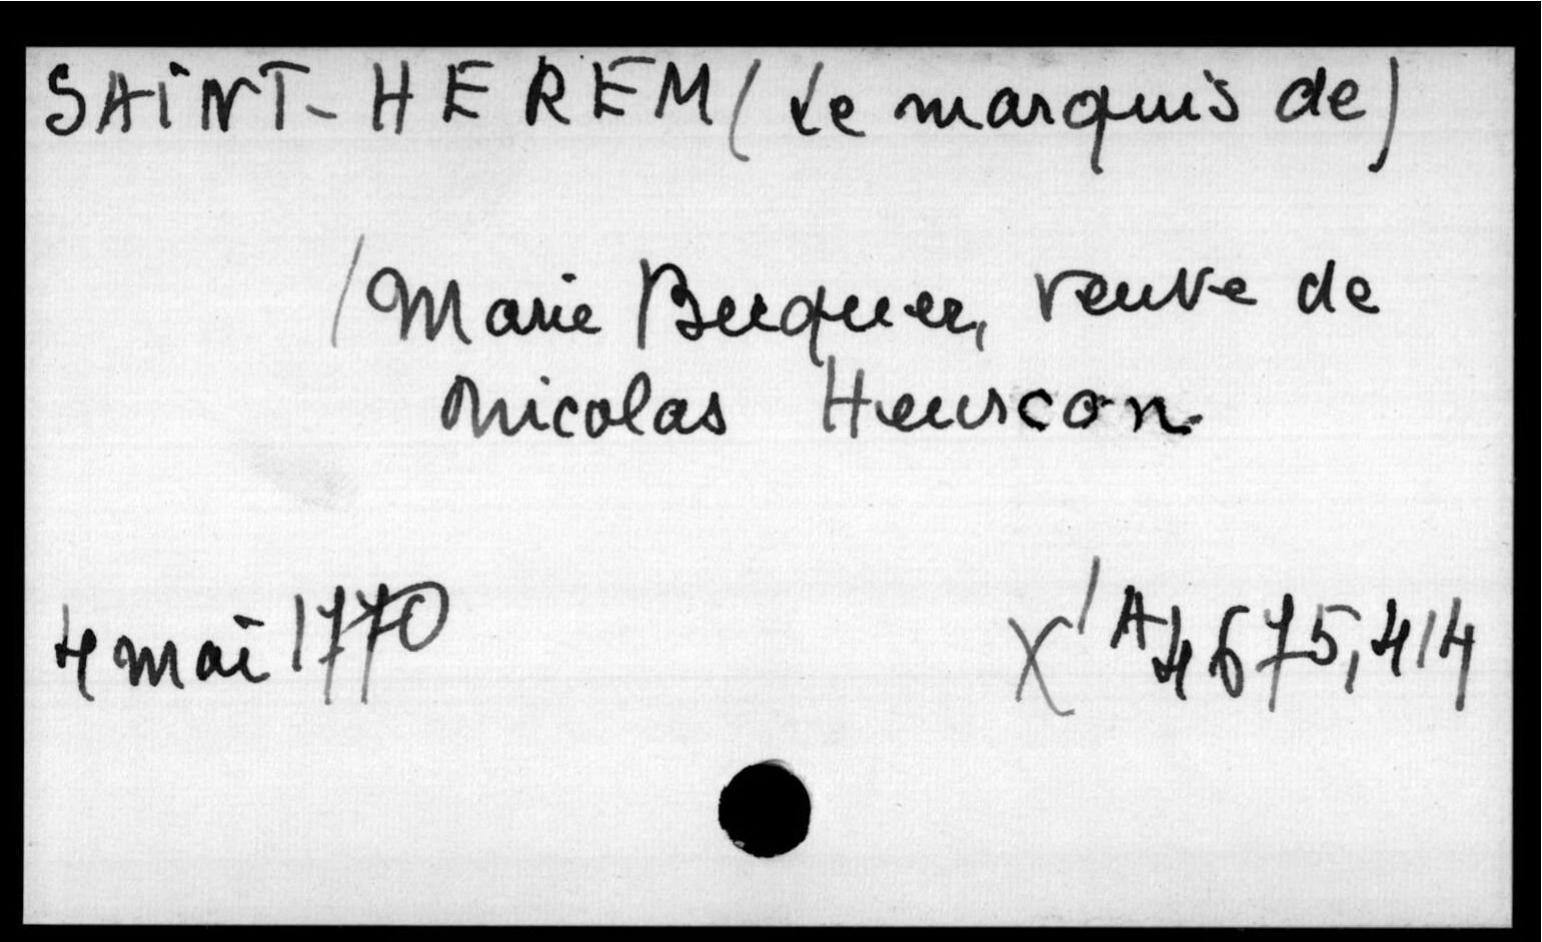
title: SAINT-HEREM (Le marquis de) Contre Marie Becguer, Veuve de Nicolas Heurcon
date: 4 mai 1770
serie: X1A
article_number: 4675
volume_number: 414
